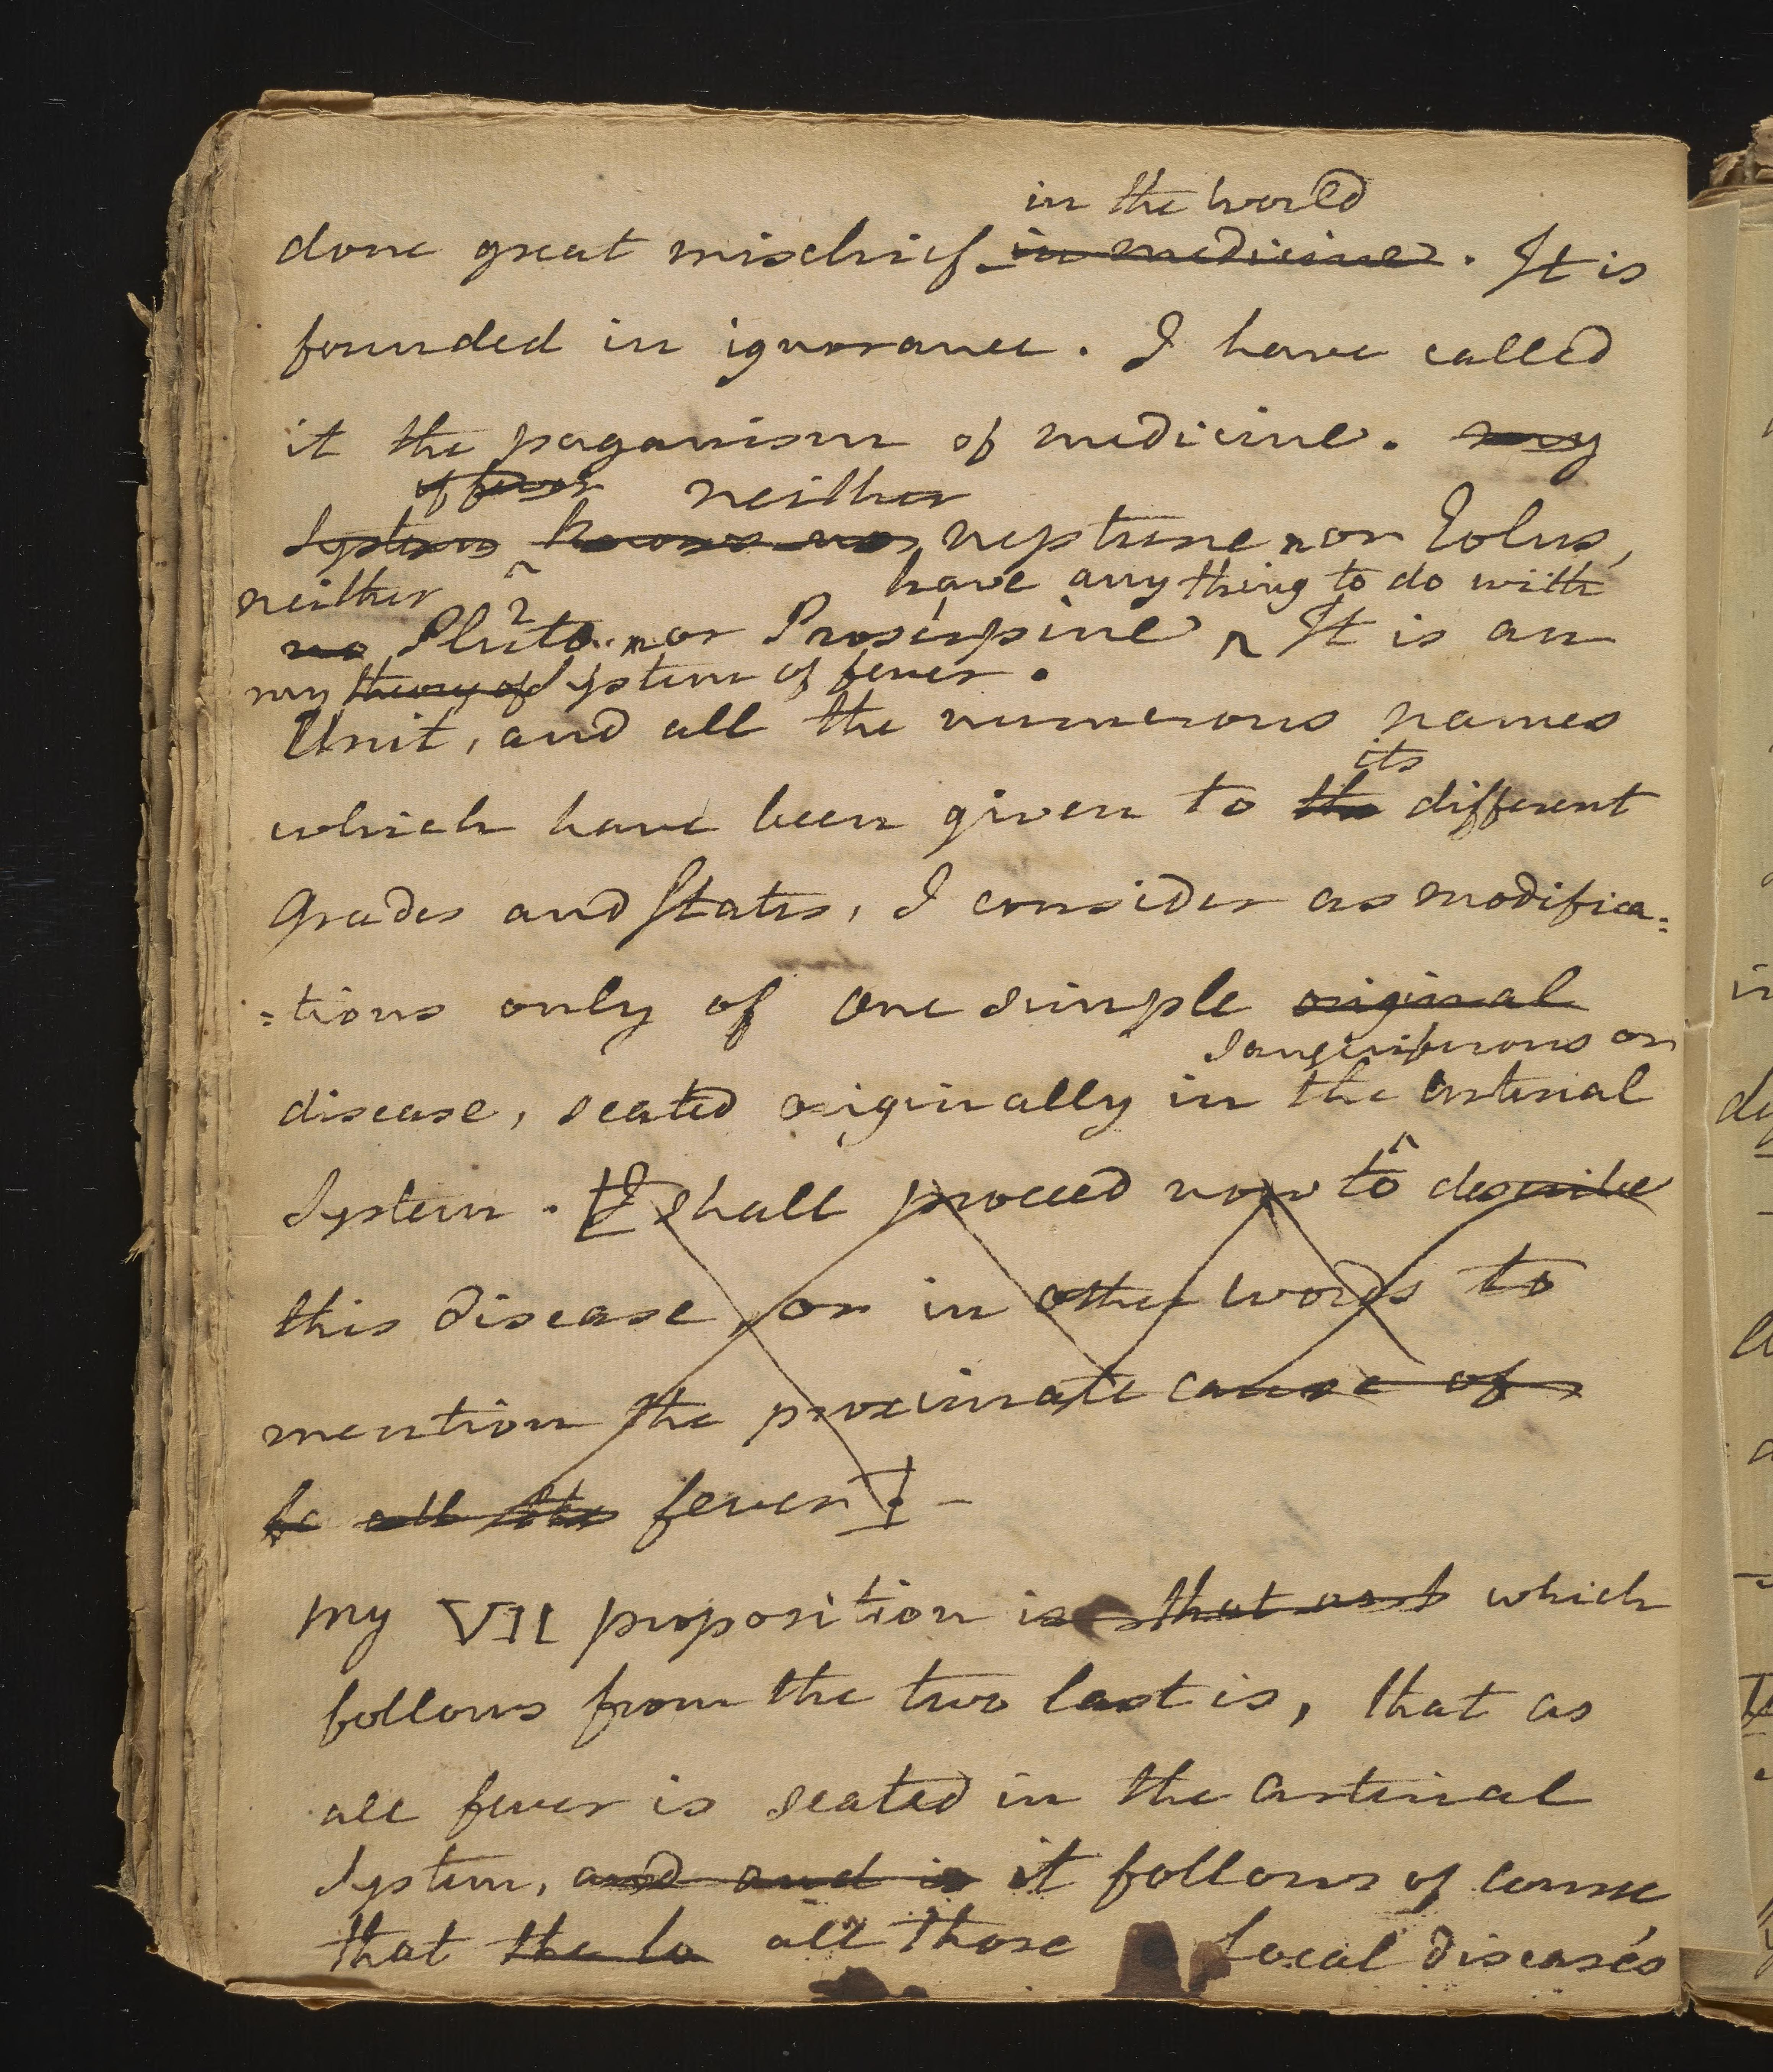in the world
done great mischief, in medicine ^ It is
founded in ignorance. I have called
it the paganism of medicine. [my]
[of first] neither
[system] ^ [knows no] neptune nor Eolus
neither
have anything to do with
[no] Plu^2to nor Proserpine ^ It is an
my [theory of] system of fever
Unit, and all the numerous names
its
which have been given to [the] different
grades and states, I consider as modifica-
-tions only of one simple [original]
sanguiferous or
diseases, seated originally in the ^ arterial
system. (I shall proceed now to ^ describe
this disease, or in other words to
mention the proximate cause [of]
[__] [______] fever.)
My VII proportion is [that ____] which
follows from the two last is, that as
all fever is seated in the arterial
system, [and and is] it follows of course
that [the lo] those Local diseases